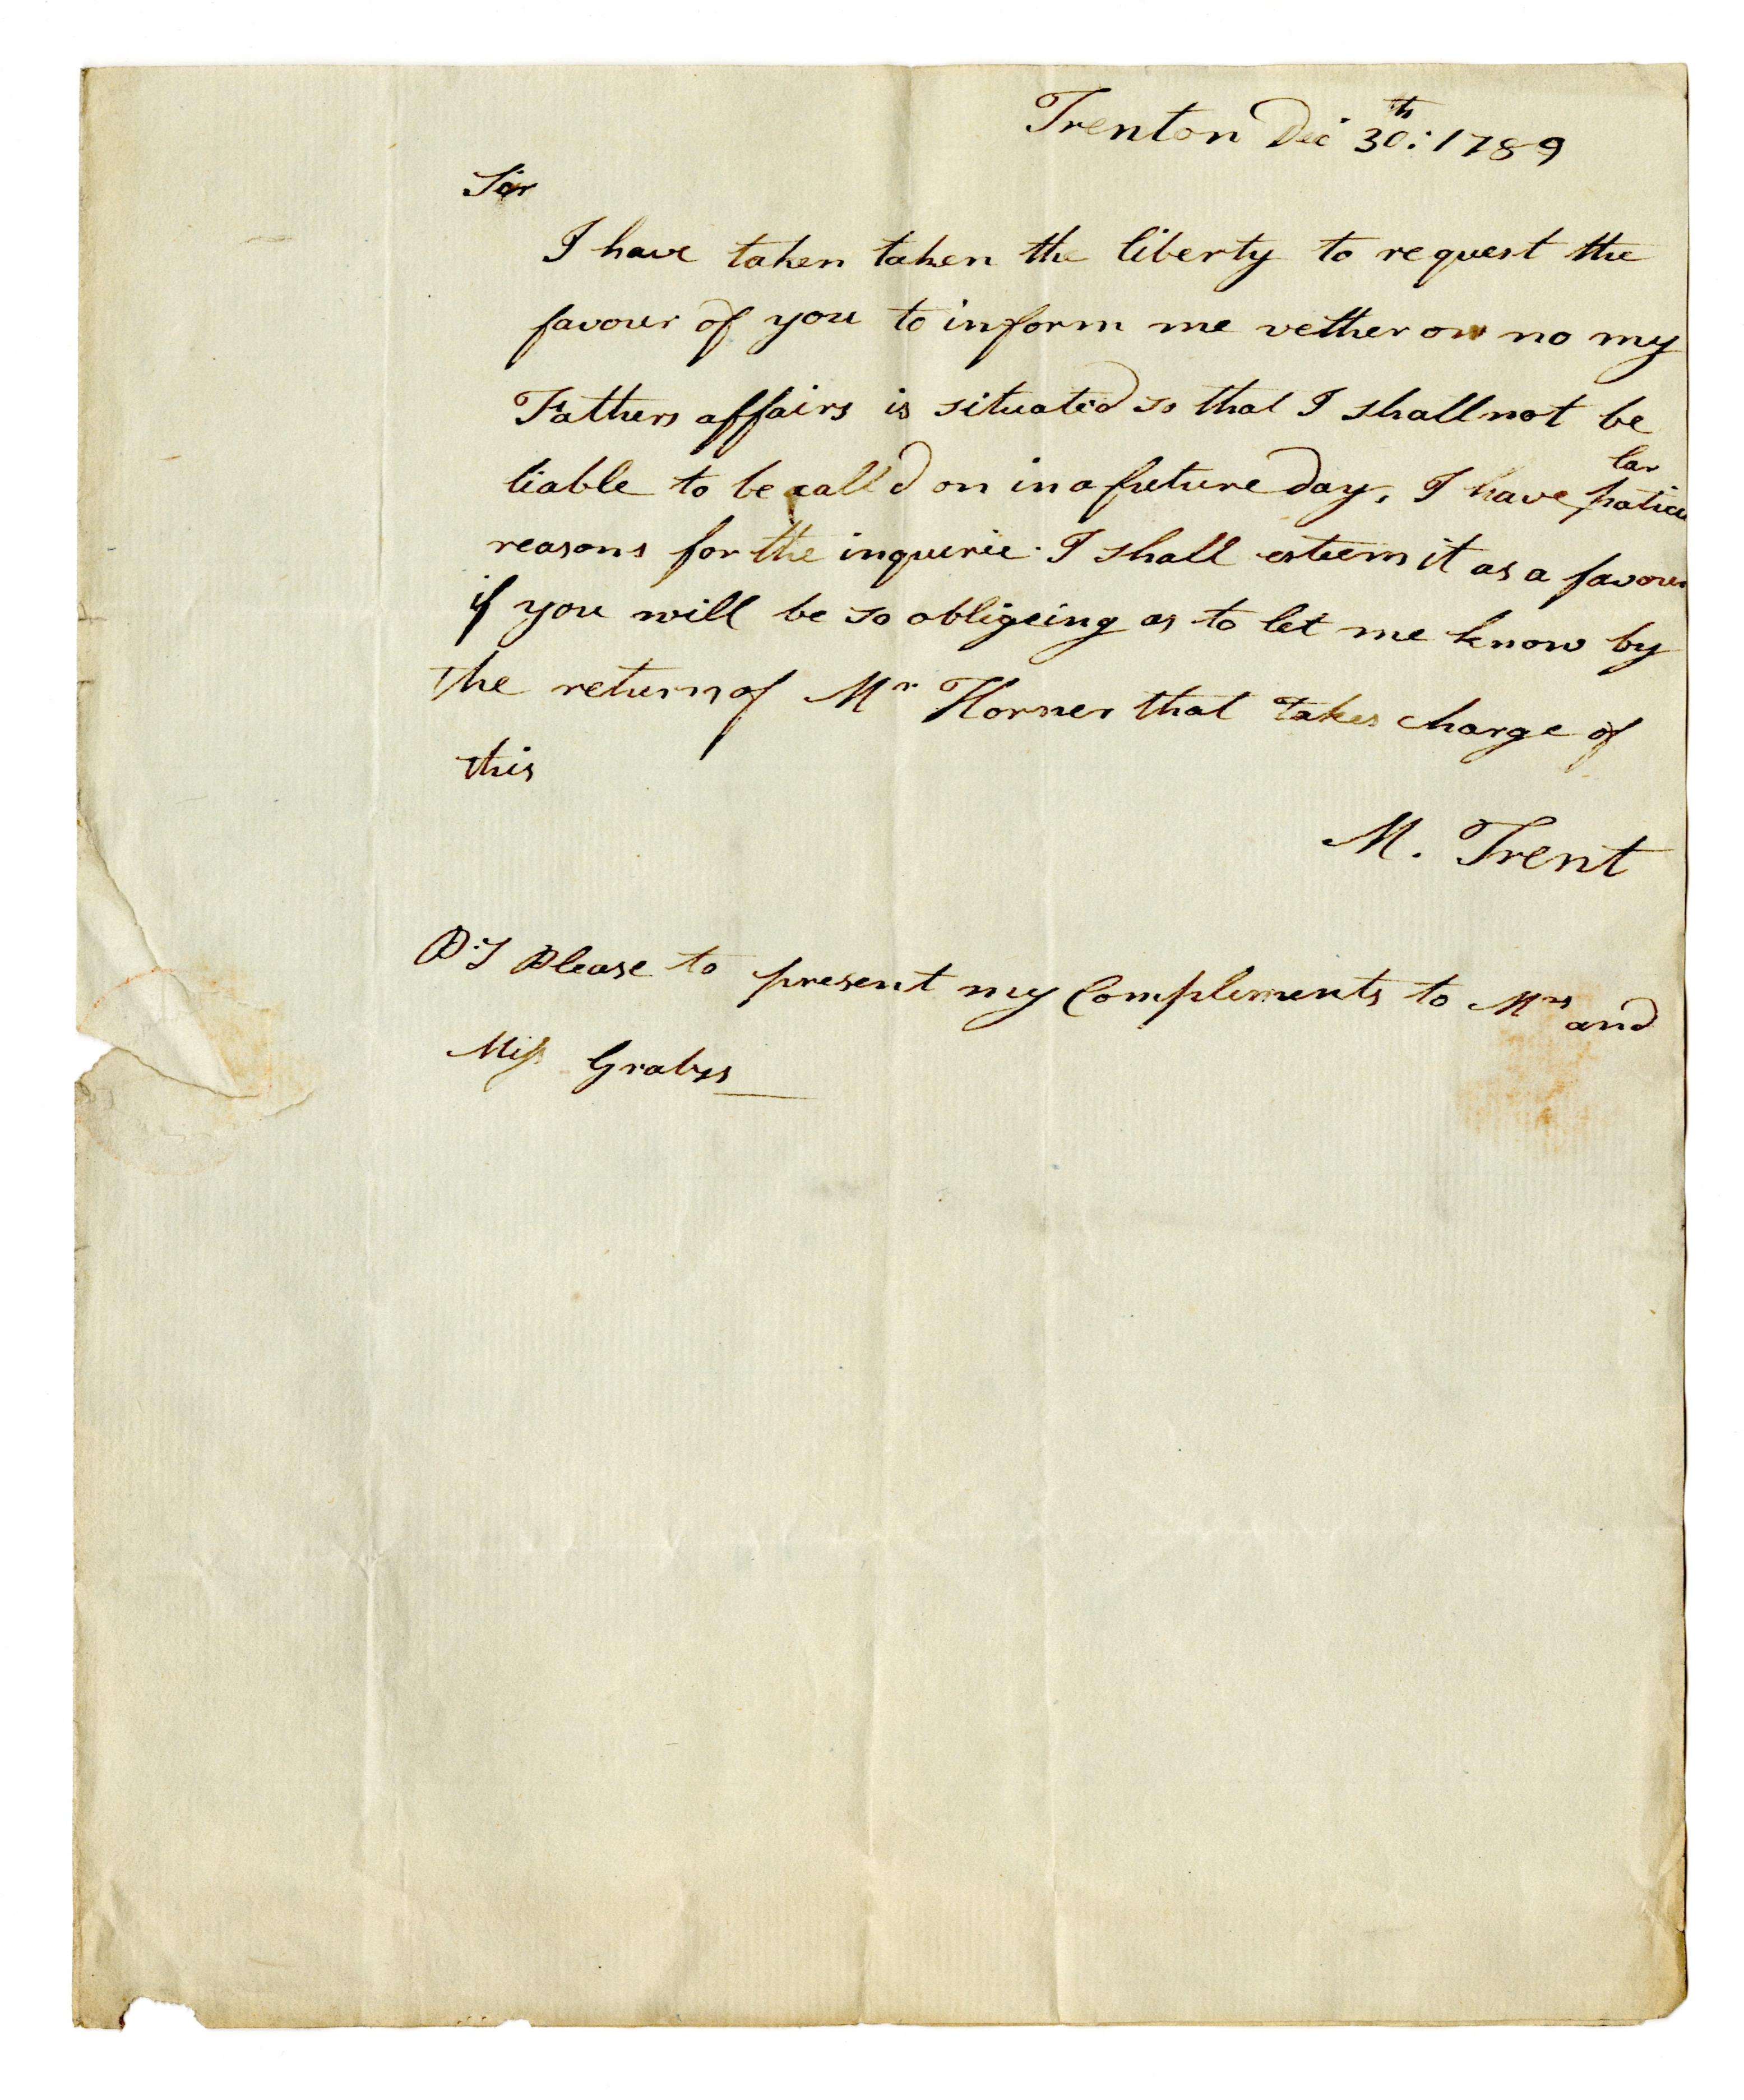Trenton Dec 30^th. 1789
Sir
I have taken taken the liberty to request the
favour of you to inform me wether or no my
Fathers affairs is situated so that I shall not be
lar
liable to be call'd on in a future day, I have particu
reasons for the inquirie. I shall esteem it as a favour
if you will be so obliging as to let me know by
the return of M^r. Horner that takes charge of
this
M. Trent
P.S Please to present my Complements to M^rs and
Miss Gratzs